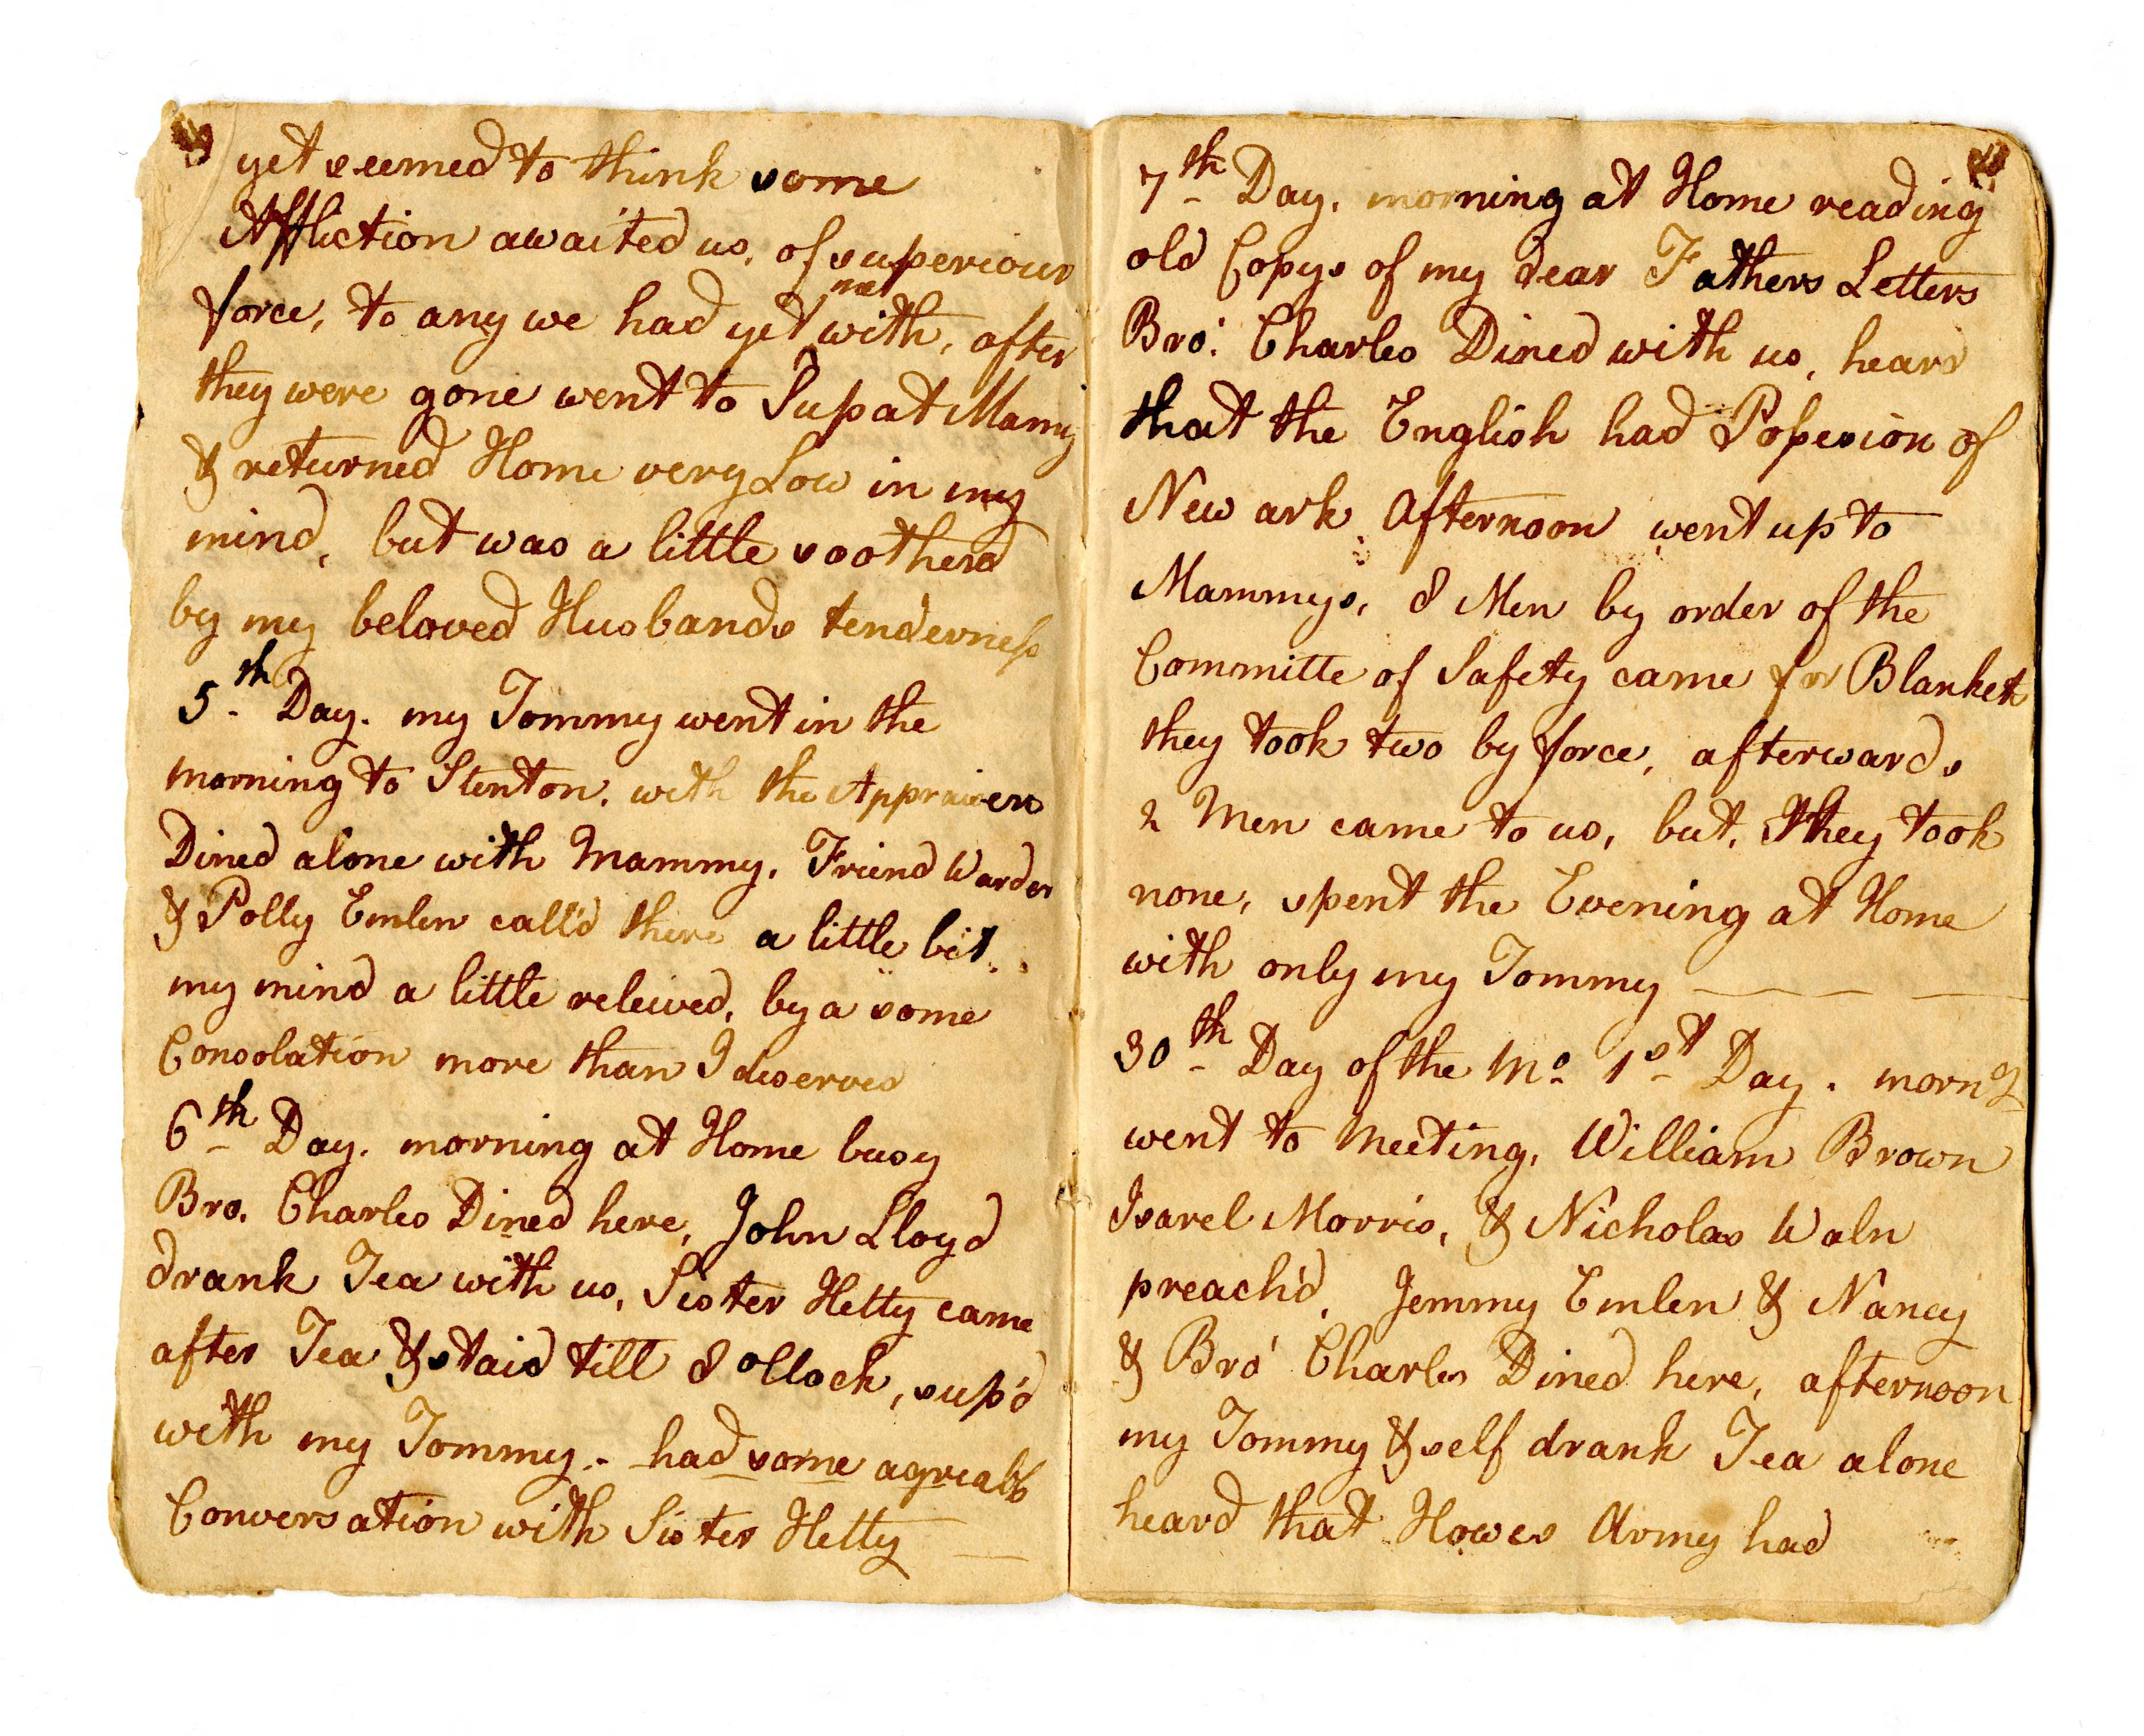yet seemed to think some
Affliction awaited us, of superiour
met
force, to any we had yet ^ with, after
they were gone went to Sup at Mamy
& returned Home very Low in my
mind, but was a little sootherd
by my beloved Husbands tenderness
5^th Day. my Tommy went in the
morning to Stenton, with the Appraisers
Dined alone with Mammy, Friend Warden
& Polly Emlen call'd there a little bit
my mind a little releived, by a some
Consolation more than I deserved
6^th Day. morning at Home busy
Bro. Charles Dined here, John Lloyd
drank Tea with us, Sister Hetty came
after Tea & staid till 8 ^o Clock, sup'd
with my Tommy. had some agreable
Conversation with Sister Hetty
7^th Day. morning at Home reading
old Copys of my dear Fathers Letters
Bro: Charles Dined with us, heard
that the English had Possesion of
New ark Afternoon went up to
Mammys, 8 Men by order of the
Committe of Safety came for Blankets
they took two by force, afterwards
2 Men came to us, but, they took
none, spent the Evening at Home
with only my Tommy
30^th Day of the M^o 1^st Day. morn^g
went to Meeting, William Brown
Isarel Morris, & Nicholas Waln
preach'd, Jemmy Emlen & Nancy
& Bro' Charles Dined here, afternoon
my Tommy & self drank Tea alone
heard that Howes Army had